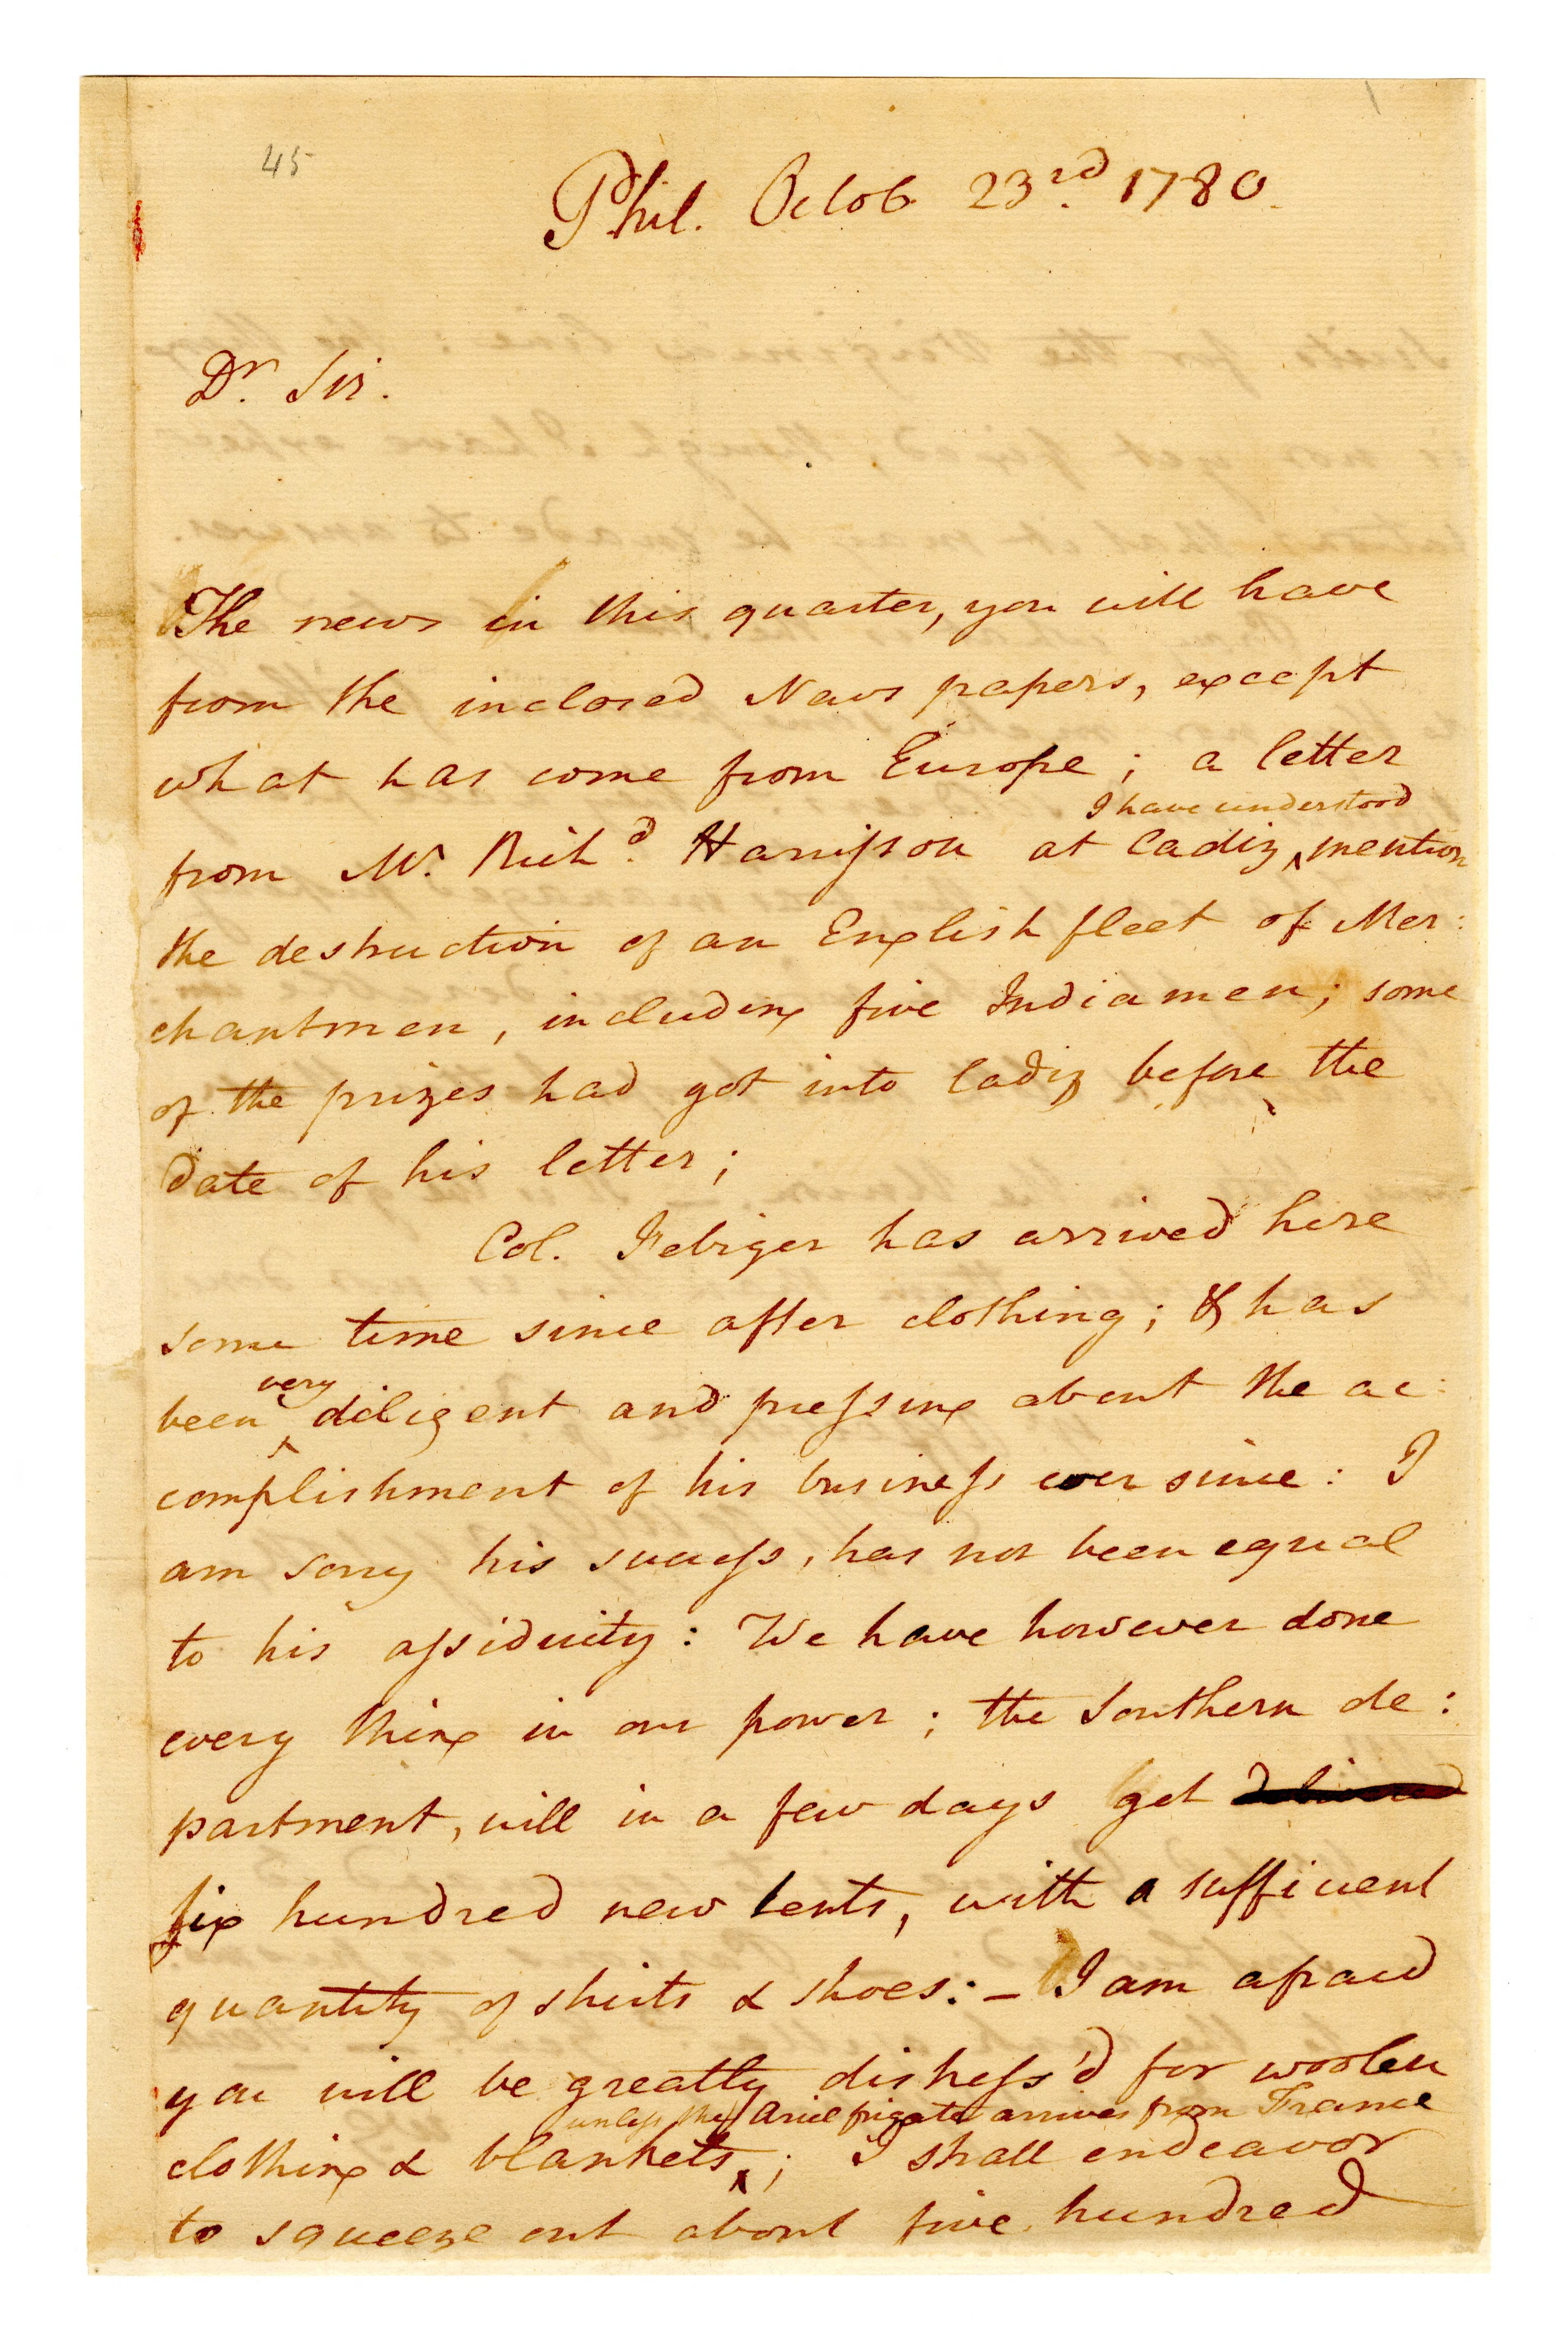Phil. Octob. 23^rd. 1780
D^r. Sir.
The news in this quarter, you will have
from the inclosed Newspapers, except
what has come from Europe; a letter
I have understood
frin M^r. Rich^d Harrison at Cadiz ^ mention
the destruction of an English fleet of Mer-
chantment, including five Indiamen; some
of the prizes had got into Cadiz before the
date of his letter;
Col. Febiger has arrived here
some time since after clothing; & has
very
been ^ diligent and pressing about the ac-
complishment of his business ever since: I
am sorry his success, has not been equal
to his assiduity: We have however done
every thing in our power; the Southern de-
partment, will in a few days get [delivered]
six hundred new tents, with a sufficient
quantity of shirts & shoes:- I am afraid
you will be greatly distress'd for woolen
unless the Ariel frigate arrives from France
clothing & blankets ^; I shall endeavor
to squeeze out about five hundred